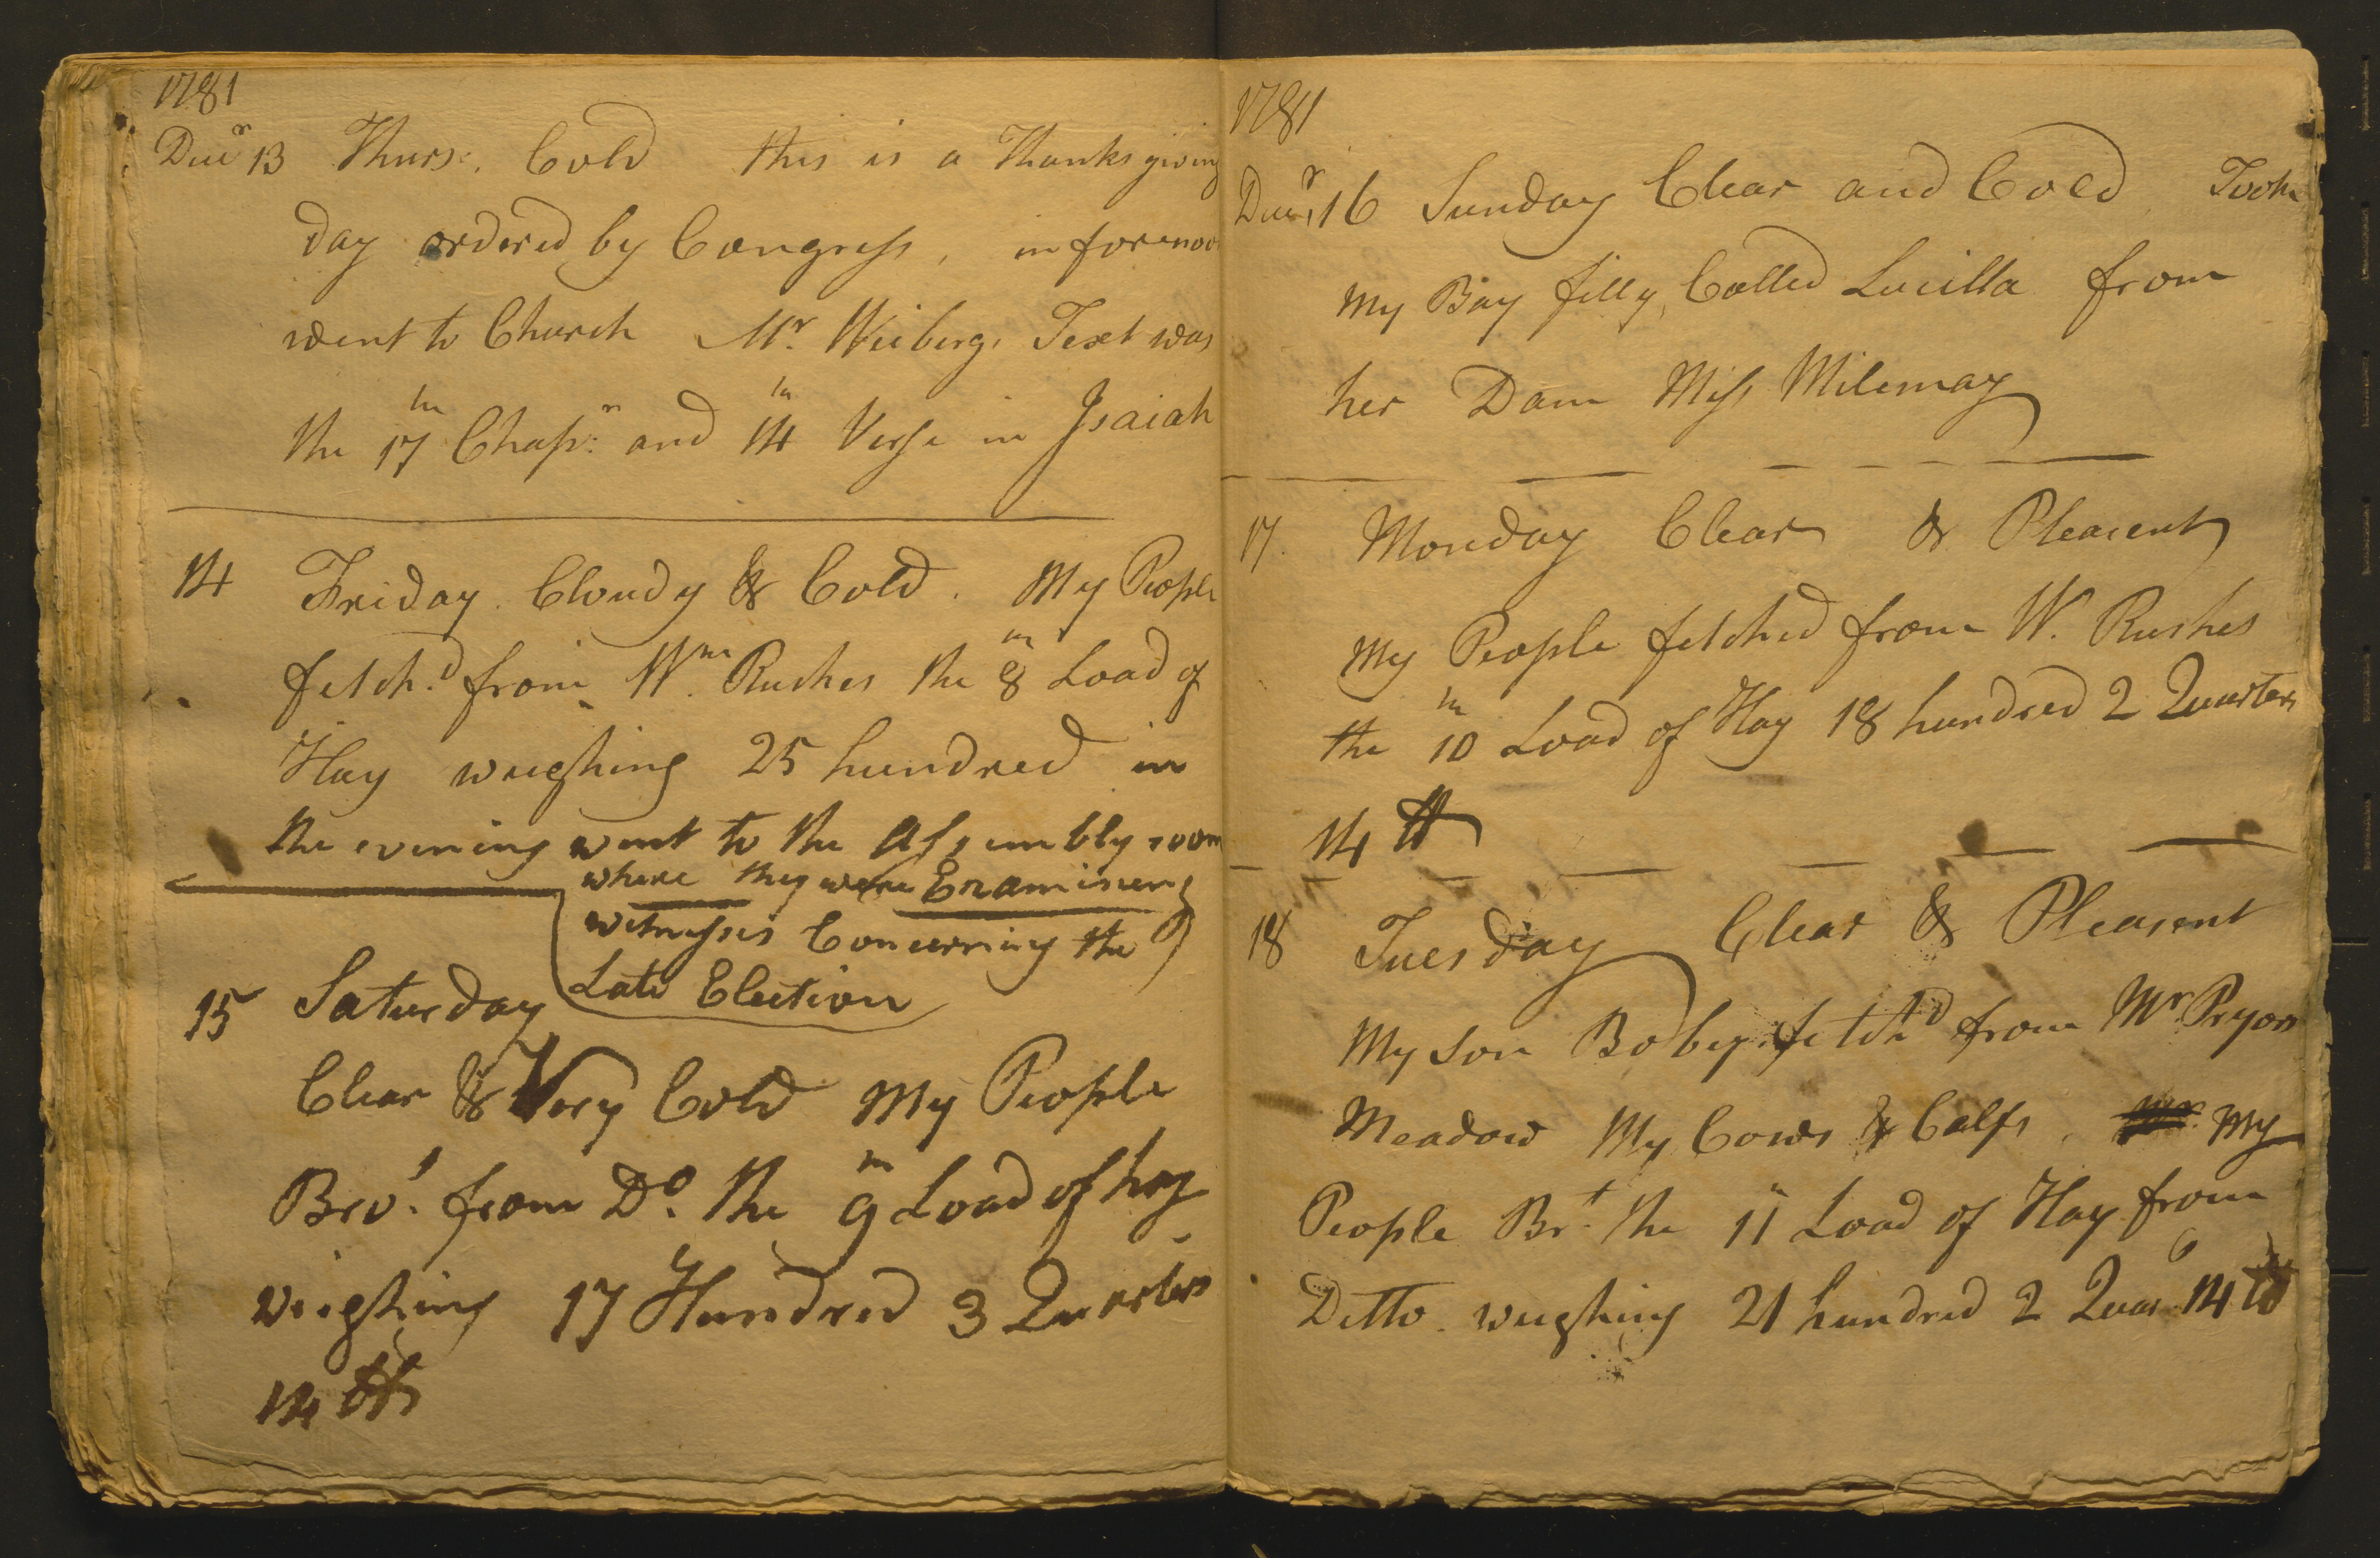1781
Dece^r 13 Thurs. Cold this is a Thanksgiving
day ordered by Congress, in forenoo
went to Church M^r. Weibergs Text was
the 17^th Chap: and 14^th Verse in Isaiah
14 Friday. Cloudy & Cold. My People
fetch^d. from W^m. Rushes the 8^th Load of
Hay weighing 25 hundred in
the evening went to the Assembly roon
where they were Examining
witnesses Concerning the
Late Election
15 Saturday
Clear & Very Cold My People
Bro^t. from D^o. The 9^th Load of hay
weighing 17 Hundred 3 Quarters
14 lb
1781
Dec^r. 16 Sunday Clear and Cold Took
My Bay filly Called Lucilla, from
her Dam Miss Milemay
17. Monday Clear & Pleasent
My People fetched from W. Rushes
the 10^th Load of Hay 18 hundred 2 Quarters
14 lb
18 Tuesday, Clear & Pleasent
My son Bobey fetch^d from M^r. Pryor
Meadow My Cows & Calfs. [M^r.] My
People Br^t. the 11^th Load of Hay from
Ditto. weighing 21 hundred 2^ Quar 14 lb